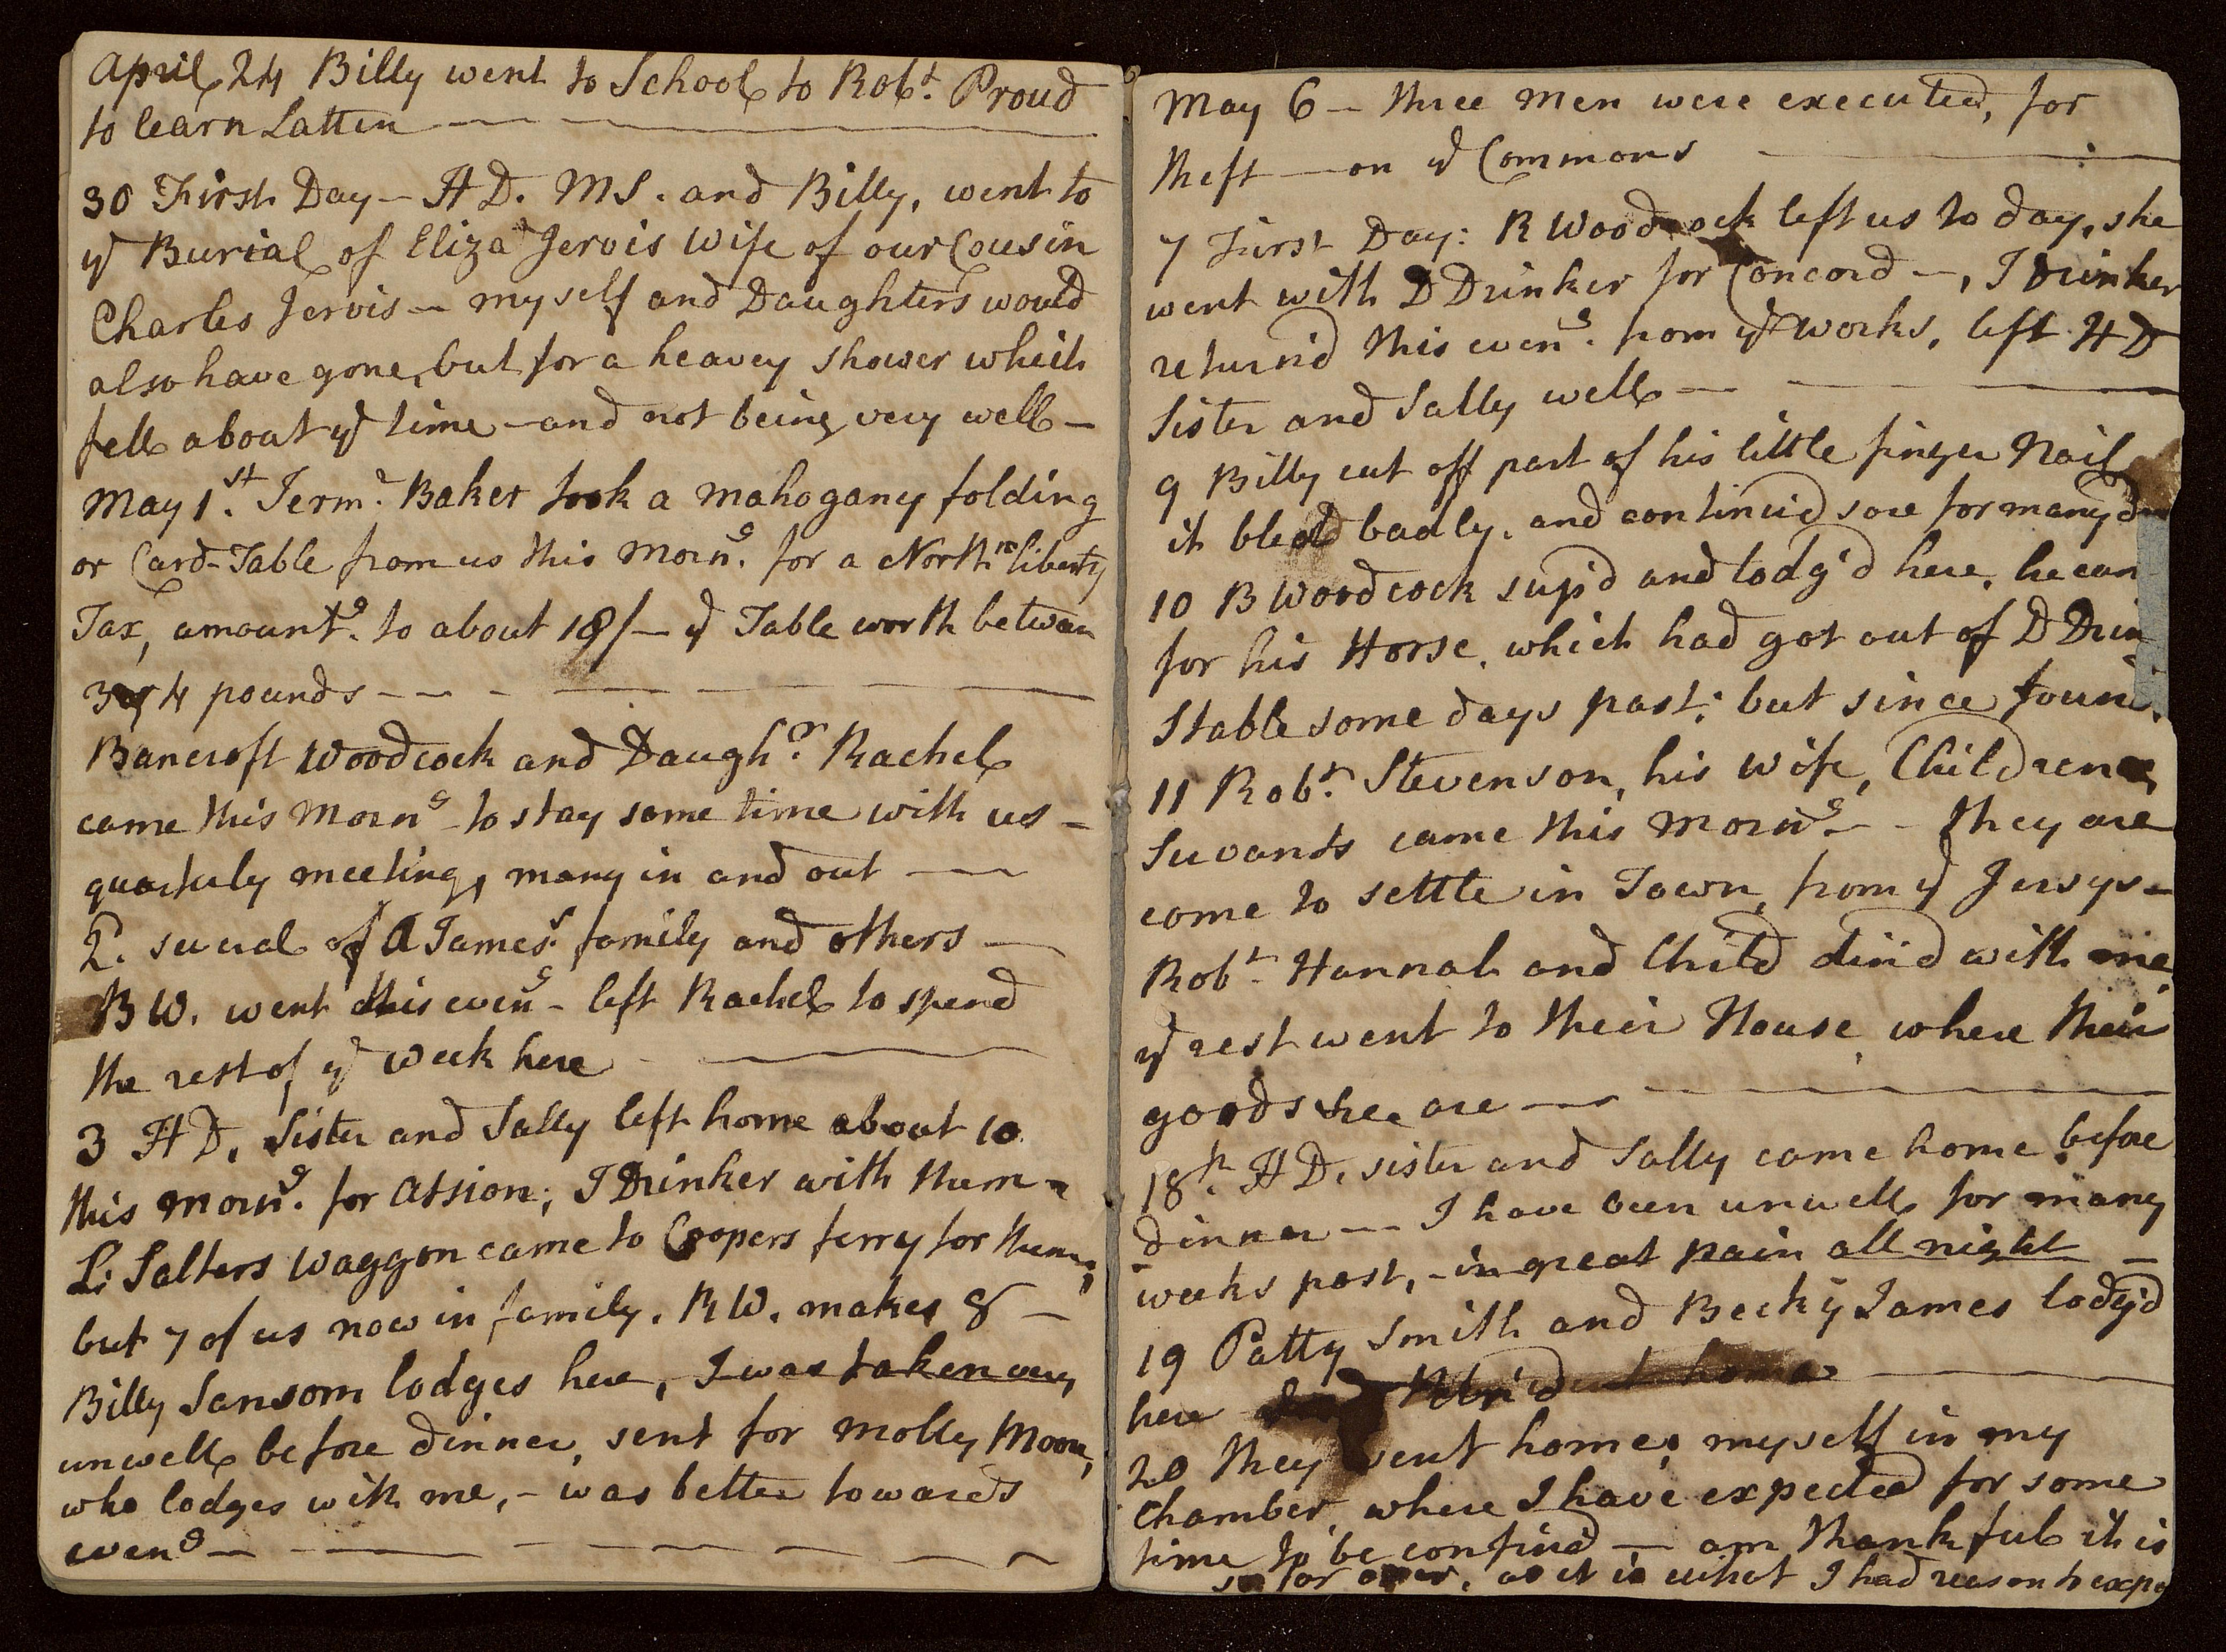April 24 Billy went to School to Rob^t. Proud
to learn Lattin-
30 First Day- HD. MS. and Billy, went to
y^e Burial of Eliza Jervis wife of our Cousin
Charles Jervis- myself and Daughters would
also have gone, but for a heavy shower which
fell about y^e time- and not being very well-
May 1^st. Jerm^r. Baker took a mahogany folding
or Card-Table from us this morn^g. for a North^n Liberty
Tax, amount^g. to about 19s- y^e Table worth beteen
3 & 4 pounds--
Bancroft Woodcock and Daugh^r. Rachel
came this Morn^g- to stay some time with us-
quarterly meeting, many in and out-
2^d. several of A James^s. family and others-
BW, went this even^g- left Rachel to spend
the rest of y^e week here-
3 HD. Sister and Sally left home about 10
this morn^g. for Atsion; I Drinker with them-
L. Salters waggon came to Coopers ferry for them;
but 7 of as now in family, RW, makes 8-
Billy Sansom lodges here, I was taken very
unwell before dinner, sent for Molly Moore,
who lodges with me,- was better towards
even^g-
May 6- three Men were executed, for
theft- on y^e Commons-
7 First Day: R Woodcock left us to day, she
went with D Drinker for Concord-, I Drinker
return'd this even^g. from y^e works, left HD
Sister and Sally well-
9 Billy cut off part of his little finger Nail
it bled badly, and continu'd sore for many d
10 B Woodcock sup'd and lodg'd here, he ca[m]
for his Horse, which had got out of D Drin
Stable some days past; but since foun[d]
11 Rob^t. Stevenson his wife, Children&
Servants came this morn^g-- they are
come to settle in Town, from y^e Jersys-
Rob^t. Hannah and Child din'd with one,
y^e rest went to their House, where their
goods &c are-
18^th. HD. sister and Sally came home before
dinner- I have been unwell for many
weeks past,- in great pain all night-
19 Patty Smith and Becky James lodg'd
here [________]'d
20 they sent home: myself in my
chamber, where I have expected for some
time to be confin'd-, am thankful it is
so far over, as it is what I had reason to exp[_]